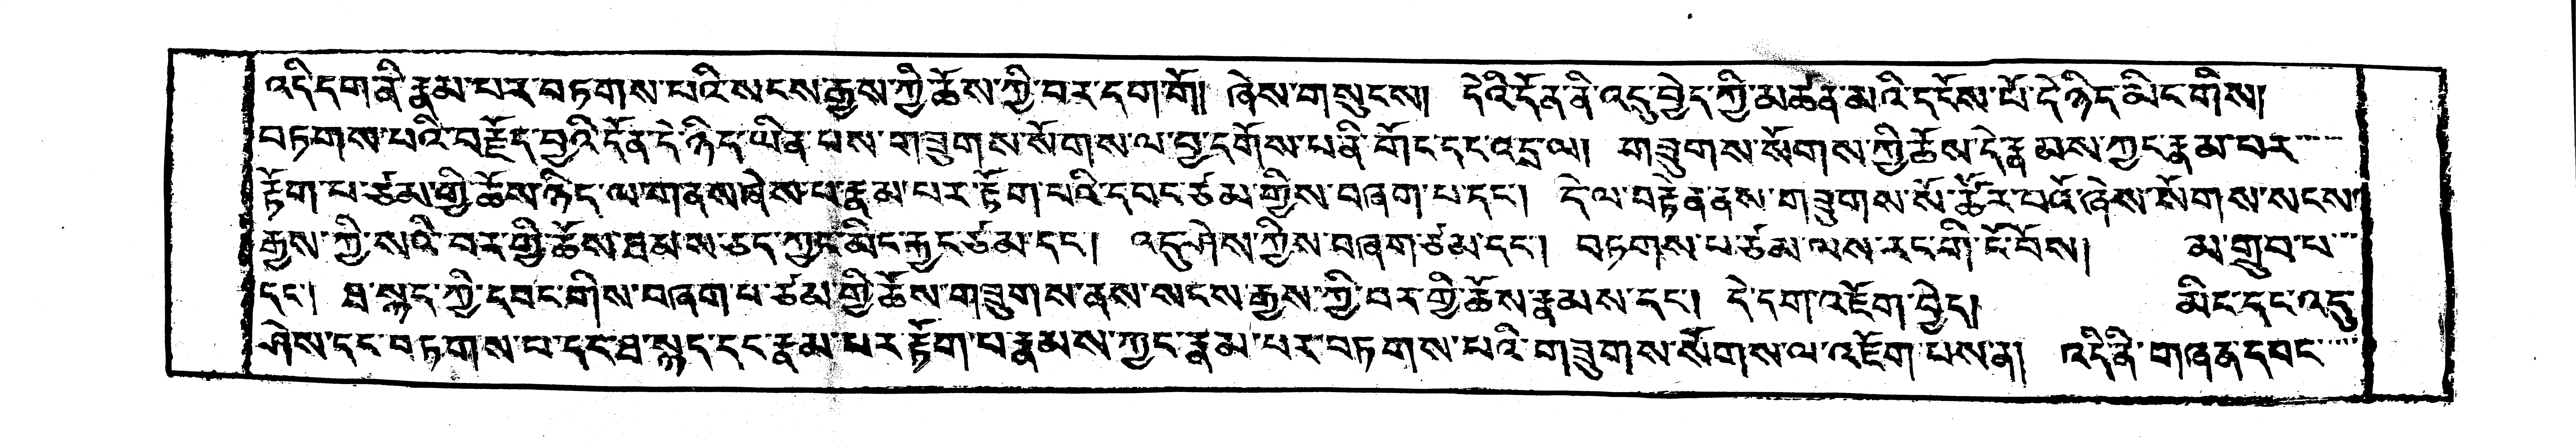འདི་དག་ནི་རྣམ་པར་བཏགས་པའི་སངས་རྒྱས་ཀྱི་ཆོས་ཀྱི་བར་དག་གོ། ཞེས་གསུངས། དེའི་དོན་ནི་འདུ་བྱེད་ཀྱི་མཚན་མའི་དངོས་པོ་དེ་ཉིད་མིང་གིས།
བཏགས་པའི་བརྗོད་བྱའི་དོན་དེ་ཉིད་ཡིན་པས་གཟུགས་སོགས་ལ་བྱ་དགོས་པ་ནི་གོང་དང་འདྲ་ལ། གཟུགས་སོགས་ཀྱི་ཆོས་དེ་རྣམས་ཀྱང་རྣམ་པར་
རྟོག་པ་ཙམ་གྱི་ཆོས་ཉིད་ལ་གནས་ཞེས་པ་རྣམ་པར་རྟོག་པའི་དབང་ཙམ་གྱིས་བཞག་པ་དང་། དེ་ལ་བརྟེན་ནས་གཟུགས་སོ་ཚོར་བའོ་ཞེས་སོགས་སངས་
རྒྱས་ཀྱི་སའི་བར་གྱི་ཆོས་ཐམས་ཅད་ཀྱང་མིང་རྐྱང་ཙམ་དང་། འདུ་ཤེས་ཀྱིས་བཞག་ཙམ་དང་། བཏགས་པ་ཙམ་ལས་རང་གི་ངོ་བོས། མ་གྲུབ་པ་
དང་། ཐ་སྙད་ཀྱི་དབང་གིས་བཞག་པ་ཙམ་གྱི་ཆོས་གཟུགས་ནས་སངས་རྒྱས་ཀྱི་བར་གྱི་ཆོས་རྣམས་དང་། དེ་དག་འཇོག་བྱེད། མིང་དང་འདུ་
ཤེས་དང་བཏགས་པ་དང་ཐ་སྙད་དང་རྣམ་པར་རྟོག་པ་རྣམས་ཀྱང་རྣམ་པར་བཏགས་པའི་གཟུགས་སོགས་ལ་འཇོག་པས་ན། འདི་ནི་གཞན་དབང་